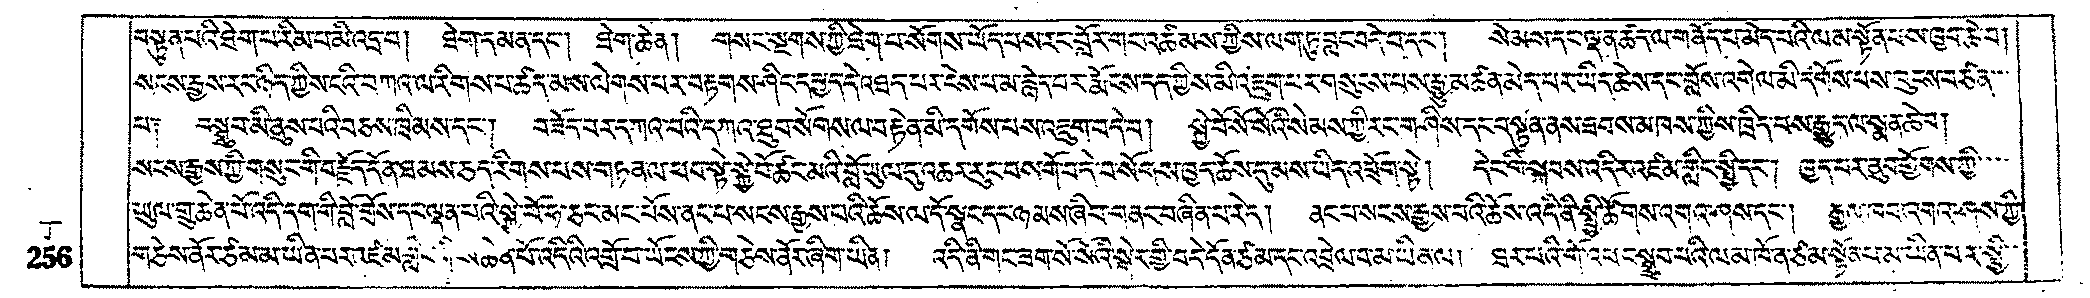བསྟུན་པའི་ཐེག་པ་རིམ་པ་མི་འདྲ་བ། ཐེག་དམན་དང་། ཐེག་ཆེན། གསང་སྔགས་ཀྱི་ཐེག་པ་སོགས་ཡོད་པས་རང་བློར་གང་འཚམས་ཀྱིས་ལག་ཏུ་བླང་བདེ་བ་དང་། སེམས་དང་ལྡན་ཚད་ལ་གནོད་པ་མེད་པའི་ལམ་སྟོན་པས་ཁྱབ་ཆེ་བ།
སངས་རྒྱས་རང་ཉིད་ཀྱིས་ངའི་བཀའ་ལ་རིགས་པ་ཚད་མས་ལེགས་པར་བརྟགས་ཤིང་དཔྱད་དེ་འཐད་པར་ངེས་པ་མ་རྙེད་པར་རྨོངས་དད་ཀྱིས་མི་འཇུག་པར་གསུངས་པས་རྒྱུ་མཚན་མེད་པར་ཡིད་ཆེས་དང་བློས་འགེལ་མི་དགོས་པས་ཁུངས་བཙན་་་
པ༑ བསྒྲུབ་མི་ནུས་པའི་བཅས་ཁྲིམས་དང་། བཟོད་པར་དཀའ་བའི་དཀའ་ཐུབ་སོགས་ལ་བརྟེན་མི་དགོས་པས་འཇུག་བདེ་བ། སྐྱེ་བོ་སོ་སོའི་སེམས་ཀྱི་རང་གཤིས་དང་བསྟུན་ནས་ཐབས་མཁས་ཀྱིས་ཁྲིད་པས་རྒྱུད་ལ་སྣམ་ཆེ་བ།
སངས་རྒྱས་ཀྱི་གསུང་གི་བརྗོད་དོན་ཐམས་ཅད་རིགས་པས་གཏན་ལ་ཕབ་སྟེ་སྐྱེ་བོ་ཚང་མའི་བློ་ཡུལ་དུ་འཆར་རུང་བས་གོ་བདེ་བ་སོགས་ཁྱད་ཆོས་དུ་མས་ཡིད་འཕྲོག་སྟེ། དེང་གི་སྐབས་འདིར་འཛམ་གླིང་སྤྱི་དང་། ཁྱད་པར་ནུབ་ཕྱོགས་ཀྱི་་་
ཡུལ་གྲུ་ཆེན་པོ་འདི་དག་གི་བློ་གྲོས་དང་ལྡན་པའི་སྐྱེ་བོ་ཧ་ཅང་མང་པོས་ནང་པ་སངས་རྒྱས་པའི་ཆོས་ལ་དོ་སྣང་དང་ཉམས་ཞིབ་གནང་བཞིན་པ་རེད། ནང་པ་སངས་རྒྱས་པའི་ཆོས་འདི་ནི་སྤྱི་ཚོགས་འགའ་ཤས་དང་། རྒྱལ་ཁབ་འགའ་ཤས་ཀྱི་
གཅེས་ནོར་ཙམ་མ་ཡིན་པར་འཛམ་གླིང་གི་ས་ཆེན་པོ་འདིའི་འགྲོ་བ་ཡོངས་ཀྱི་གཅེས་ནོར་ཞིག་ཡིན། འདི་ནི་གང་ཟག་སོ་སོའི་སྒེར་གྱི་བདེ་དོན་ཙམ་དང་འབྲེལ་བ་མ་ཡིན་ལ། ཐར་པའི་གོ་འཕང་སྒྲུབ་པའི་ལམ་ཁོ་ན་ཙམ་སྟོན་པ་མ་ཡིན་པར་སྤྱི་་་